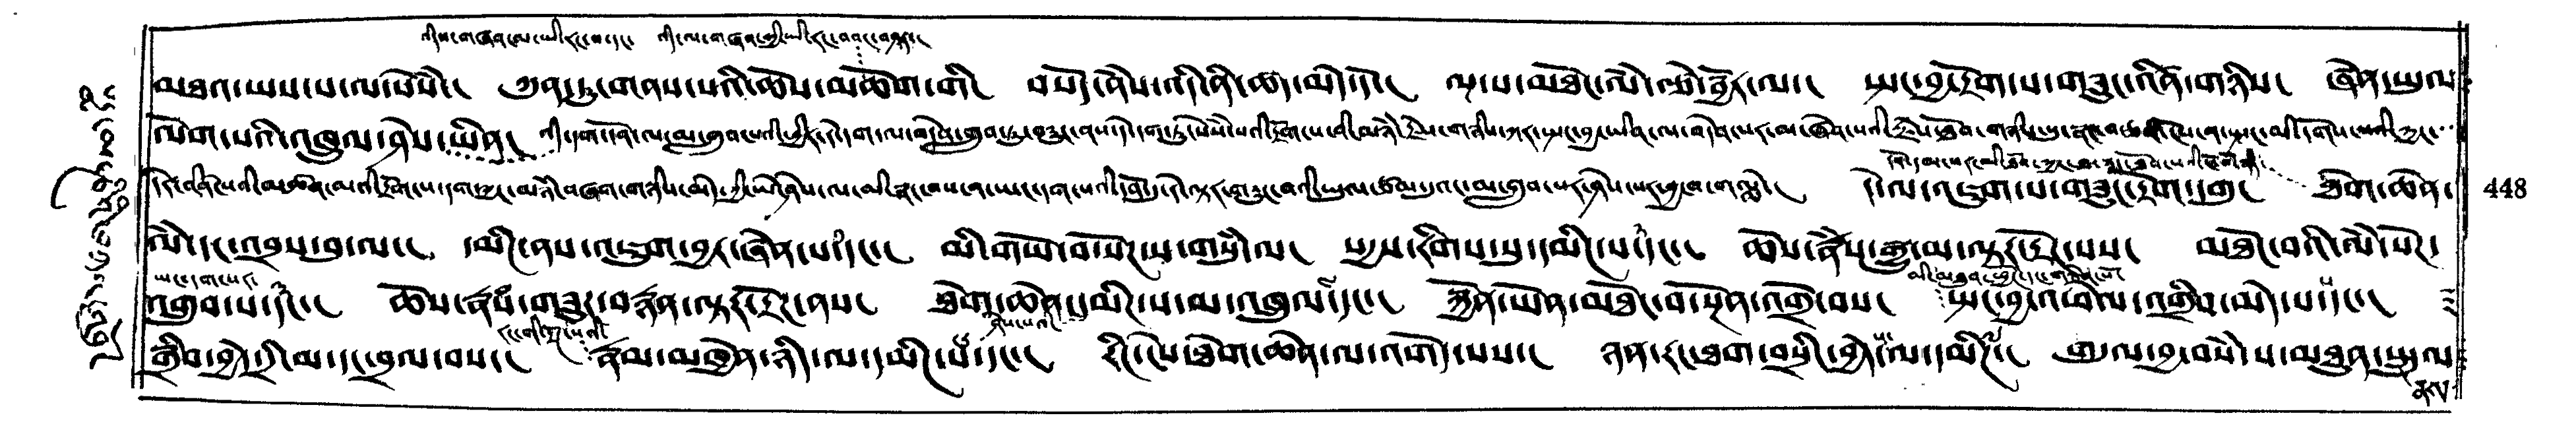མཐའ་ཡས་པ་ལ་སེམས། །ཀུན་ཏུ་གནས་པའི་ཆོས་འདིས་གཞན་ལ་ཡི་རང་བ་དང་། འདི་ལ་གཞན་གྱིས་ཡི་རང་བའང་བཤད། མཆོག་གི །བསོད་ནམས་འདི་ནི་ཚད་མེད་དོ། །ལྔ་པ་མཐོང་ལམ་རྩེ་སྦྱོར་ལ། །སྤང་བྱ་རྟོག་པ་གཟུང་འཛིན་གཉིས། །ཞེན་ཡུལ་
ལོག་པའི་འཁྲུལ་ཤེས་ཡིན།། འདི་དག་དོན་ལ་མ་གྲུབ་པའི་ཕྱིར་དེ་དག་ལ་བདེན་གྲུབ་ཏུ་བཟུང་ནས་དེ་དག་ཏུ་སེམས་པའི་རྟོག་པ་ནི་མཉམ་རྗེས་གཉིས་ཀར་སྤང་བྱ་ཡིན་ལ་བདེན་པར་མ་ཞེན་པའི་རྗེས་ཐོབ་གཉིས་སུ་སྣང་བ་ཅན་ངོས་ནས་སྤང་མི་དགོས་ཀྱང་
དེར་འཛིན་པའི་མཚན་མའི་རྟོག་པ་དག་ཀྱང་མཉམ་བཞག་གཉིས་མེད་ཀྱི་ཡེ་ཤེས་ལ་མི་སྣང་བས་ན་ཡང་དག་པའི་དོན་དུ་དེ་ལྟར་གཟུང་བའི་ཡུལ་ཙམ་དུའང་མ་གྲུབ་པར་ཤེས་པར་བྱ་བ་གལ་ཆེ། དེ་ལ་འཇུག་པ་གཟུང་རྟོག་དགུ།། དོན་དམ་པར་མི་ཐོབ་ཀྱང་ཐ་སྙད་ཐོབ་པའི་ངོ་བོ་ནི་ཐེག་ཆེན་
ལམ་དང་འབྲས་བུ་ལ། །དམིགས་ནས་འཇུག་བྱར་ཞེན་པ་དང་། །མི་གཡོ་བ་སོགས་ས་གསུམ་ལ། །སངས་རྒྱས་རིགས་སུ་དམིགས་པ་དང་། །ཆོས་རྣམས་སྒྱུ་མ་ལྟར་རྟོགས་པས། །མཐོང་བའི་ལམ་སོགས་
ཡང་དག་པར་འགྲུབ་པ་དང་། ཆོས་རྣམས་གཟུགས་བརྙན་ལྟར་རྟོགས་ནས། །ཐེག་ཆེན་ཤེས་པའི་དམིགས་པ་མ་འཁྲུལ་དང་། །སྐྱོན་ཡོན་མཐོང་བ་སྔོན་འགྲོ་བས།། མི་མཐུན་ཕྱོགས་དང་གཉེན་པོ་སྤང་བྱ་འཕེལ་འགྲིབ་མེད་པ་དང་། །
སྒྲིབ་བྱེད་དྲི་མ་དང་བྲལ་བས།། རང་གི་རྟོགས་པའི་རྣམ་མཁྱེན་ཉིད་ལ་དམིགས་པ་དང་། །རིགས་ངེས་ཐེག་ཆེན་ལ་འགོད་པས། །ཉན་རང་ཐག་བསྲིང་བྱེད་ལ་དམིགས། །གདུལ་བྱའི་བསམ་པ་མཐུན་སྤྲུལ་ནས།།